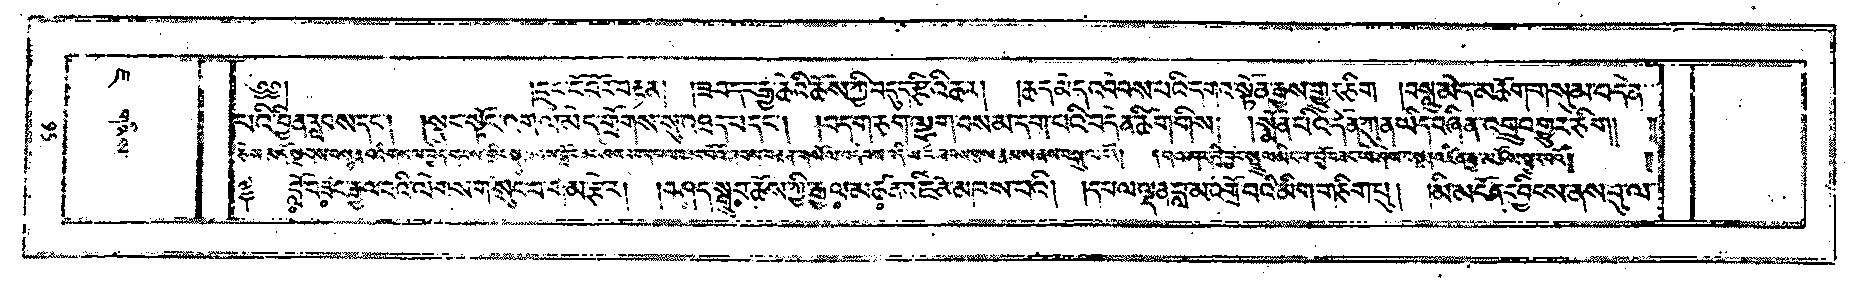༄༅། །དྲུང་ངོ་བོར་བརྟན། །ཟབ་དང་རྒྱ་ཆེའི་ཆོས་ཀྱི་བདུད་རྩིའི་ཆར། །ཆད་མེད་འབེབས་པའི་དགའ་སྟོན་རྒྱས་གྱུར་ཅིག །བསླུ་མེད་མཆོག་གསུམ་བདེན་
པའི་བྱིན་རླབས་དང་། །སྣང་སྟོང་འགལ་མེད་གྲོགས་སུ་འཐད་པ་དང་། །བདག་ཅག་ལྷག་བསམ་དག་པའི་བདེན་ཚིག་གིས། །སྨོན་པའི་དོན་ཀུན་ཡིད་བཞིན་འགྲུབ་གྱུར་ཅིག ། །།
ཅེས་མདོ་སྔགས་བསྟན་པའི་གསལ་བྱེད་གངས་གླིང་སྐུ་ཞབས་བློ་བཟང་ཤེས་རབ་དཔལ་བཟང་པོའི་ཞབས་བརྟན་གསོལ་འདེབས་འདི་ཡང་ཞབས་གྲས་རྣམས་ནས་བསྐུལ་ངོར། དགའ་ཤར་ཁྲི་བྱང་སྤྲུལ་མིང་པ་བློ་བཟང་ཡེ་ཤེས་བསྟན་འཛིན་རྒྱ་མཚོས་སྦྱར་བའོ།། །།
༈ བློ྾་བཟང྾་རྒྱལ་བའི་ལེགས་གསུང་བ་གམ་རྩེར། །བཤད྾་སྒྲུབ྾་ཆོས་ཀྱི་རྒྱལ྾་མཚན྾་འཛིན་མཁས་པའི། །དཔལ་ལྡན་བླ་མ་འགྲོ་བའི་མིག་གཅིག་པུ། །མི་མངོན་དབྱིངས་ནས་བུ་ལ་